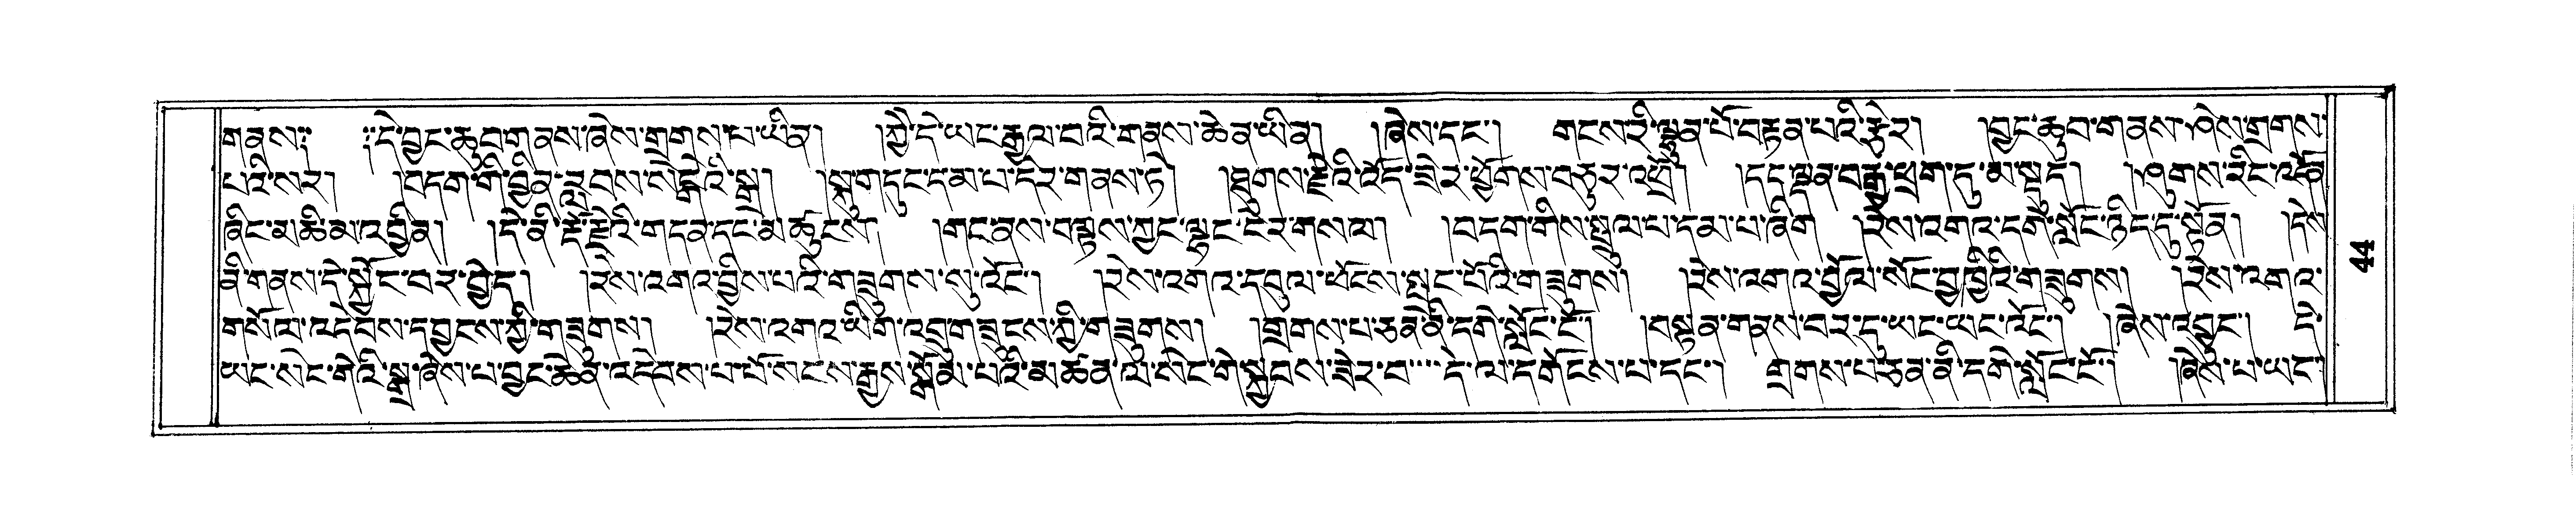གནས༑ ༑དེ་བྱང་ཆུབ་གནས་ཞེས་གྲགས་པ་ཡིན། །ཀྱཻ་དེ་ཡང་རྒྱལ་བའི་གནས་ཆེན་ཡིན། །ཞེས་དང་། གངས་རི་ལྷུན་པོ་བརྟན་པའི་རྩེར། །བྱང་ཆུབ་གནས་ཤེས་གྲགས་
པའི་སར། །བདག་གི་བྱིན་རླབས་སེངྒེའི་སྒྲ། །སྐུ་གདུང་དམ་པ་དེར་གནས་ཏེ། །ཐུགས་རྗེའི་འོད་ཟེར་ཕྱོགས་བཅུར་འཕྲོ། །དད་ལྡན་བརྒྱ་ཕྲག་དུ་མ་སྡུད། །ཤུགས་རིང་འདོན་
ཞིང་མཆི་མ་འབྱིན། །དེ་ནི་རྡོ་རྗེའི་གདན་དང་མཚུངས། །གང་ནས་བལྟས་ཀྱང་ལྷང་ངེར་གསལ། །བདག་གིས་སྤྲུལ་པ་དམ་པ་ཞིག །རེས་འགའ་དགེ་སློང་ཉིད་དུ་སྟོན། །དེས་
ནི་གནས་དེ་སྐྱོང་བར་བྱེད། །རེས་འགའ་བྱིས་པའི་གཟུགས་སུ་འོང་། །རེས་འགའ་དབུལ་ཕོངས་སྤྲང་པོའི་གཟུགས། །རེས་འགའ་བྱོལ་སོང་བྱ་ཁྱིའི་གཟུགས། །རེས་འགའ་
གསོལ་འདེབས་དབྱངས་ཀྱི་གཟུགས། །རེས་འགའ་ཡིག་འབྲུ་གཟུངས་ཀྱི་གཟུགས། །གྲགས་པ་ཅན་ནི་དགེ་སློང་ངོ། །བསྟན་གནས་བར་དུ་ཡང་ཡང་འོང་། །ཞེས་འབྱུང་། དེ་
ཡང་སེང་གེའི་སྒྲ་ཞེས་པ་བྱང་ཆེན་འདེབས་པ་པོ་སངས་རྒྱས་སྒོམ་པའི་མཚན་ལ་སེང་གེ་སྐྱབས་ཟེར་བ་དེ་ལ་དགོངས་པ་དང་། གྲགས་པ་ཅན་ནི་དགེ་སློང་ངོ། །ཞེས་པ་ཡང་